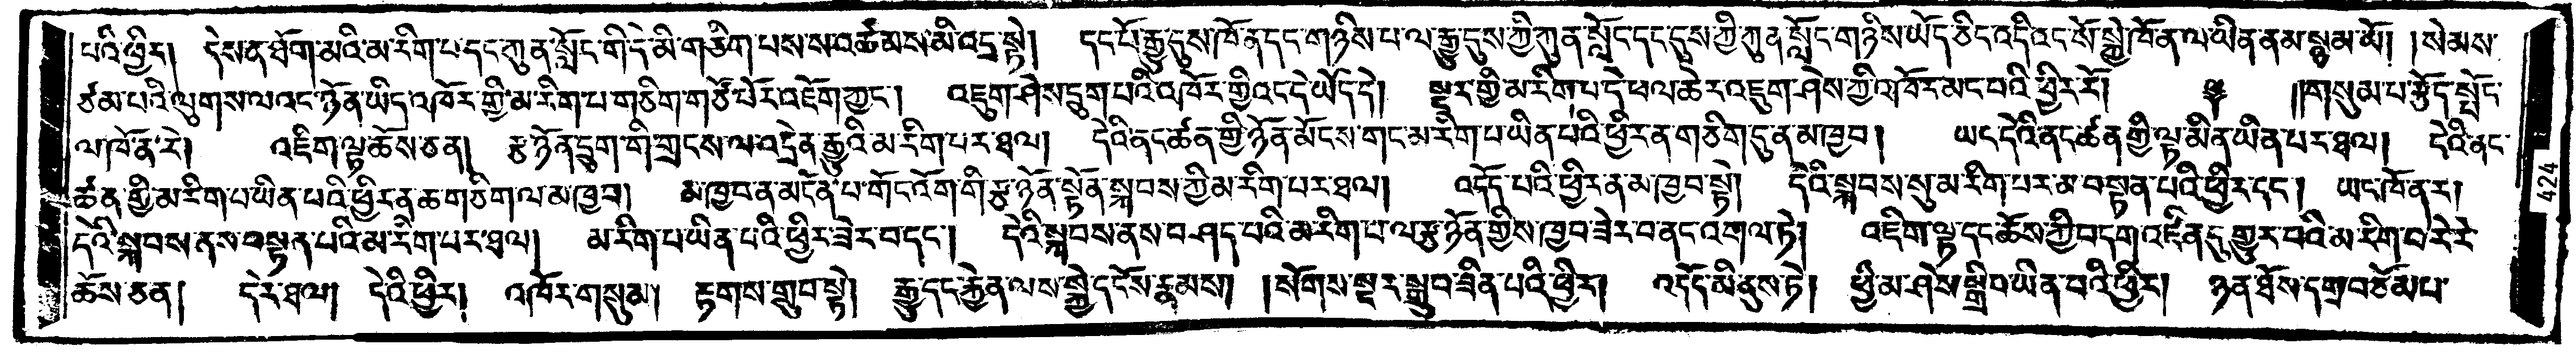པའི་ཕྱིར། དེས་ན་ཐོག་མའི་མ་རིག་པ་དང་ཀུན་སློང་གི་དེ་མི་གཅིག་པས་ས་འཚམས་མི་འདྲ་སྟེ། དང་པོ་རྒྱུ་དུས་ཁོ་ན་དང་གཉིས་པ་ལ་རྒྱུ་དུས་ཀྱི་ཀུན་སློང་དང་དུས་ཀྱི་ཀུན་སློང་གཉིས་ཡོད་ཅིང་འདི་འང་སོ་སྐྱེ་ཁོ་ན་ལ་ཡིན་ནམ་སྙམ་མོ། །སེམས་
ཙམ་པའི་ལུགས་ལའང་ཉོན་ཡིད་འཁོར་གྱི་མ་རིག་པ་གཅིག་གཙོ་པོར་འཇོག་ཀྱང་། འཇུག་ཤེས་དྲུག་པའི་འཁོར་གྱིའང་དེ་ཡོད་དེ། སྔར་གྱི་མ་རིག་པ་དེ་ཕལ་ཆེར་འཇུག་ཤེས་ཀྱི་འཁོར་མང་བའི་ཕྱིར་རོ། ༈ །།གསུམ་པ་རྩོད་སྤོང་
ལ་ཁོ་ན་རེ། འཇིག་ལྟ་ཆོས་ཅན། རྩ་ཉོན་དྲུག་གི་གྲངས་ལ་འདྲེན་རྒྱུའི་མ་རིག་པར་ཐལ། དེའི་ནང་ཚན་གྱི་ཉོན་མོངས་གང་མ་རིག་པ་ཡིན་པའི་ཕྱིར་ན་གཅིག་དུ་ན་མ་ཁྱབ། ཡང་དེའི་ནང་ཚན་གྱི་ལྟ་མིན་ཡིན་པར་ཐལ། དེའི་ནང་
ཚན་གྱི་མ་རིག་པ་ཡིན་པའི་ཕྱིར་ན་ཆ་གཅིག་ལ་མ་ཁྱབ། མ་ཁྱབ་ན་མངོན་པ་གོང་འོག་གི་རྩ་ཉོན་སྟོན་སྐབས་ཀྱི་མ་རིག་པར་ཐལ། འདོད་པའི་ཕྱིར་ན་མ་ཁྱབ་སྟེ། དེའི་སྐབས་སུ་མ་རིག་པར་མ་བསྟན་པའི་ཕྱིར་དང་། ཡང་ཁོ་ན་རེ།
དེའི་སྐབས་ནས་བསྟན་པའི་མ་རིག་པར་ཐལ། མ་རིག་པ་ཡིན་པའི་ཕྱིར་ཟེར་བ་དང་། དེའི་སྐབས་ནས་བཤད་པའི་མ་རིག་པ་ལ་རྩ་ཉོན་གྱིས་ཁྱབ་ཟེར་བ་ནང་འགལ་ཏེ། འཇིག་ལྟ་དང་ཆོས་ཀྱི་བདག་འཛིན་དུ་གྱུར་པའི་མ་རིག་པ་རེ་རེ་
ཆོས་ཅན། དེར་ཐལ། དེའི་ཕྱིར། འཁོར་གསུམ། རྟགས་གྲུབ་སྟེ། རྒྱུ་དང་རྐྱེན་ལས་སྐྱེ་དངོས་རྣམས། །སོགས་སྔར་སྒྲུབ་ཟིན་པའི་ཕྱིར། འདོད་མི་ནུས་ཏེ། ཕྱི་མ་ཤེས་སྒྲིབ་ཡིན་པའི་ཕྱིར། ཉན་ཐོས་དགྲ་བཅོམ་པ་